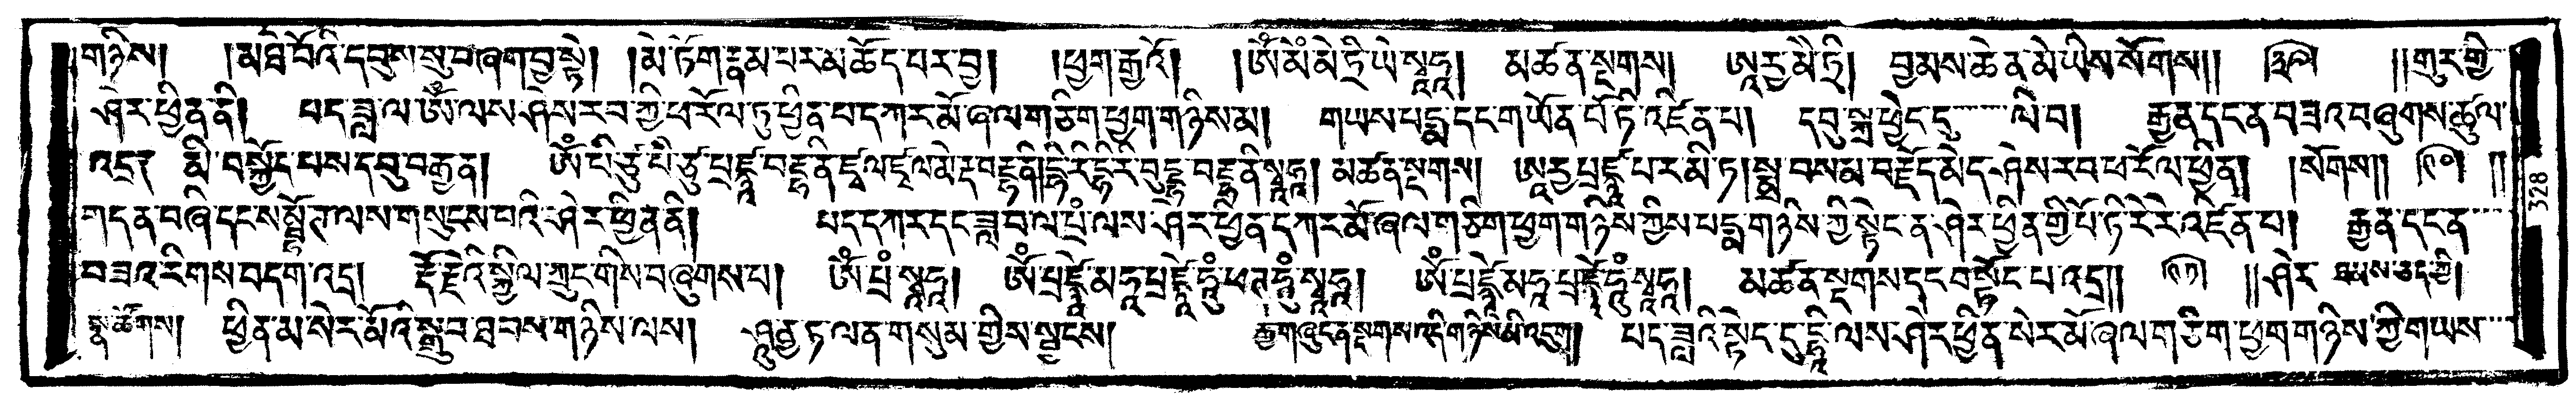གཉིས། །མཐེ་བོའི་དབུས་སུ་བཞག་བྱ་སྟེ། །མེ་ཏོག་རྣམ་པར་མཆོད་པར་བྱ། །ཕྱག་རྒྱའོ། །ཨོཾ་མེཾ་མེ་ཏྲི་ཡེ་སྭཱཧཱ། མཚན་སྔགས། ཨཱརྱ་མཻ་ཏྲི། བྱམས་ཆེན་མེ་ཡིས་སོགས།། ༣༩?་།།གུར་གྱི་
ཤེར་ཕྱིན་ནི། པད་ཟླ་ལ་ཨོཾ་ལས་ཤེས་རབ་ཀྱི་ཕ་རོལ་ཏུ་ཕྱིན་པ་དཀར་མོ་ཞལ་གཅིག་ཕྱག་གཉིས་མ། གཡས་པདམ་དང་གཡོན་པོ་ཏི་འཛིན་པ། དབུ་སྐྲ་ཕྱེད་དུ་ལི་བ། རྒྱན་དང་ན་བཟའ་བཞུགས་ཚུལ་
འདྲ༑ མི་བསྐྱོད་པས་དབུ་བརྒྱན། ཨོཾ་པི་ཙུ་པི་ཙུ་པྲཛྙཱ་བརྡྷ་ནི་ཛྭ་ལ་ཛྭ་ལ་མེ་རྡ་བརྡྷ་ནི། དྷི་རི་དྷི་རི་བུདྡྷ་བརྡྷ་ནི་སྭཱཧཱ། མཚན་སྔགས། ཨཱརྱ་པྲཛྙཱ་པ་ར་མི་ཏ། སྨྲ་བསམ་བརྗོད་མེད་ཤེས་རབ་ཕ་རོལ་ཕྱིན། །སོགས།། ༤༠?་།།
གདན་བཞི་དང་སམྦྷོ་ཊ་ལས་གསུངས་པའི་ཤེར་ཕྱིན་ནི། པད་དཀར་དང་ཟླ་བ་ལ་པྲཾ་ལས་ཤེར་ཕྱིན་དཀར་མོ་ཞལ་གཅིག་ཕྱག་གཉིས་ཀྱིས་པདམ་གཉིས་ཀྱི་སྟེང་ན་ཤེར་ཕྱིན་གྱི་པོ་ཏི་རེ་རེ་འཛིན་པ། རྒྱན་དང་ན་
བཟའ་རིགས་བདག་འདྲ། རྡོ་རྗེའི་སྐྱིལ་ཀྲུང་གིས་བཞུགས་པ། ཨོཾ་པྲཾ་སྭཱཧཱ། ཨོཾ་པྲཛྙE་མཧཱ་པྲཛྙE་ཧཱུཾ་ཕཊ་ཧཱུཾ་སྭཱཧཱ། ཨོཾ་པྲཛྙE་མཧཱ་པྲཛྙE་ཧཱུཾ་སྭཱཧཱ། མཚན་སྔགས་དང་བསྟོད་པ་འདྲ།། ༤༡?་།།ཤེར་ཐམས་ཅད་ཀྱི།
སྣ་ཚོགས། ཕྱིན་མ་སེར་མོའི་སྒྲུབ་ཐབས་གཉིས་ལས། ཤཱུ་ནྱ་ཏ་ལན་གསུམ་གྱིས་སྦྱངས། རྒྱ་གཞུང་ན་སྔགས་འདི་གཉིས་མི་འདུག། པད་ཟླའི་སྟེང་དུ་དྷཱི་ལས་ཤེར་ཕྱིན་སེར་མོ་ཞལ་གཅིག་ཕྱག་གཉིས་ཀྱི་གཡས་